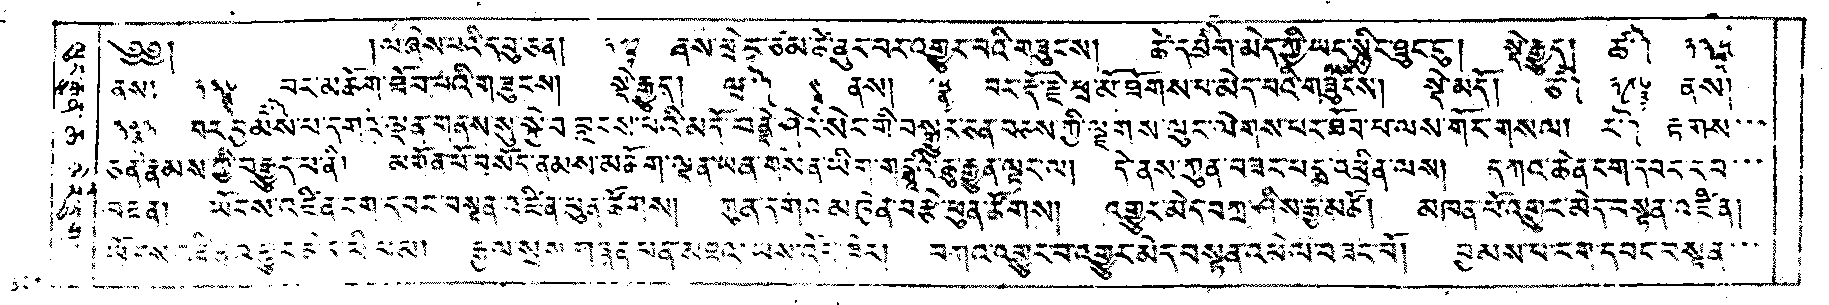༄༅། །ལ་ཞེས་པའི་དབུ་ཅན། ༢༡༡་ནས་ཕྲེང་ཙམ་ཚེ་ནུར་བར་འགྱུར་བའི་གཟུངས། ཚེ་དཔག་ར྄་མེད་ཀྱི་ཡང་སྙིང་ཐུང་ངུ། སྡེ་རྒྱུད། ཚ྄ ༢༣༥་བ ༥
ནས། ༢༣༦་ན ༣་བར་མཆོག་ཐོབ་པའི་གཟུངས། སྡེ་རྒྱུད། ཝ྄ ༤་བ ༤་ནས། ༥་ན ༧་བར་རྡོ་རྗེ་ཕྲ་མོ་ཐོགས་པ་མེད་པའི་གཟུངས་གནས྄། སྡེ་མདོ། ཙ྄ ༢༩༦་བ ༡་ནས།
༣༠༣་ན ༥་བར་བྱམས་ར྄་པ་དགའ་ལྡན་གནས་སུ་སྐྱེ་བ་བླངས་པའི་མདོ་བནྡེ་ཤེར་སེང་གི་བསྒྱུར་ཅན་བཅས་ཀྱི་ལྗགས་ལུང་ལེགས་པར་ཐོབ་པ་ལས་གོང་གསལ། ར྄་རྟགས་
ཅན་རྣམས་ཀྱི་བརྒྱུད་པ་ནི། མགོན་པོ་བསོད་ནམས་མཆོག་ལྡན་ཡན་གསན་ཡིག་གངྒཱའི་ཆུ་རྒྱུན་ལྟར་ལ། དེ་ནས་ཀུན་བཟང་པདམ་འཕྲིན་ལས། དཀའ་ཆེན་ངག་དབང་རབ་
བརྟན། ཡོངས་འཛིན་ངག་དབང་བསྟན་འཛིན་ཕུན་ཚོགས། ཀུན་དགའ་མཁྱེན་བརྩེ་ཕུན་ཚོགས། འགྱུར་མེད་བཀྲ་ཤིས་རྒྱ་མཚོ། མཁན་པོ་འགྱུར་མེད་བསྟན་འཛིན།
ཡོངས་འཛིན་འགྱུར་མེད་མི་ཕམ། རྒྱལ་སྲས་གཞན་ཕན་མཐའ་ཡས་འོད་ཟེར། བཀའ་འགྱུར་བ་འགྱུར་མེད་བསྟན་འཕེལ་བཟང་པོ། བྱམས་པ་ངག་དབང་བསྟན་